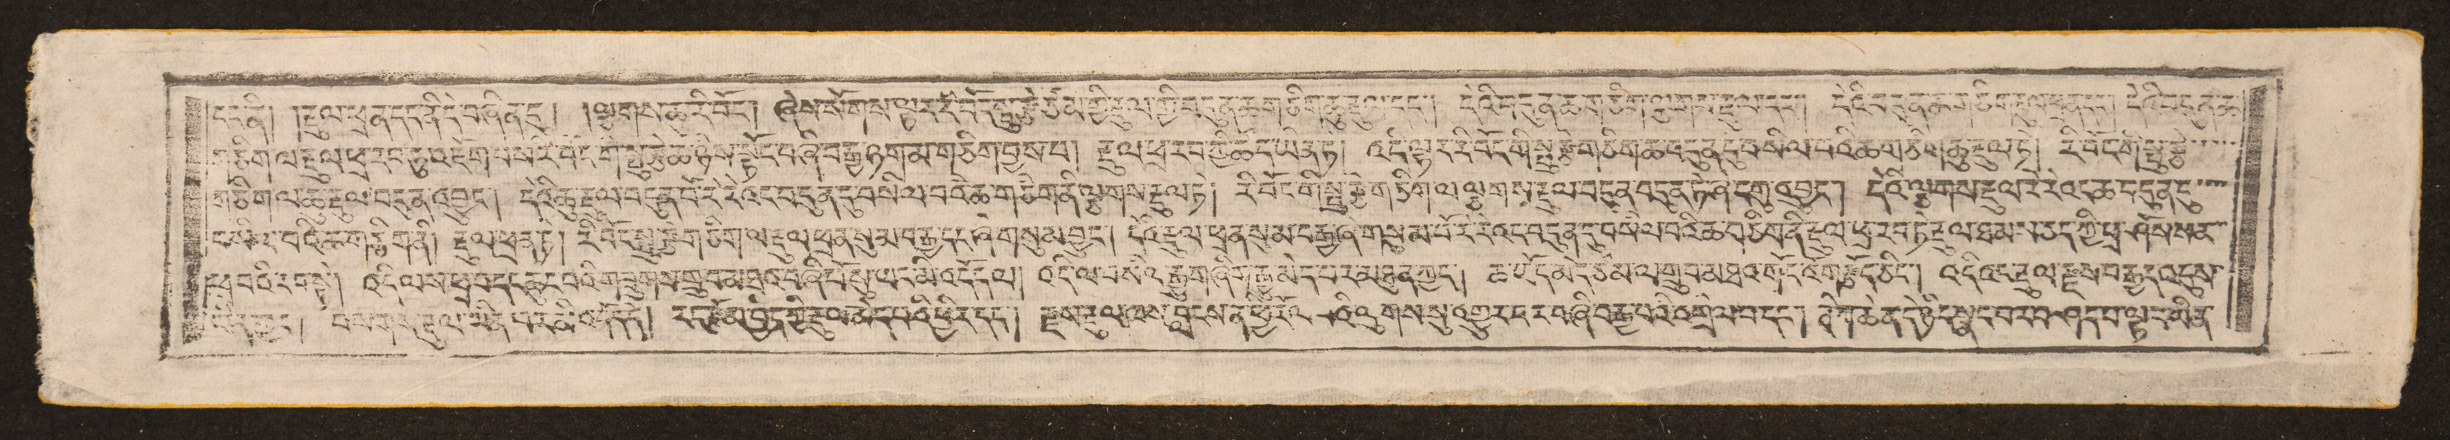དང་ནི། །རྡུལ་ཕྲན་དང་ནི་དེ་བཞིན་དུ། །ལྕགས་ཆུ་རི་བོང་། ཞེས་སོགས་ལྟར་རི་བོང་སྤུ་རྩེ་ཙམ་གྱི་རྡུལ་གྱི་བདུན་ཆ་གཅིག་ཆུ་རྡུལ་དང་། དེའི་བདུན་ཆ་གཅིག་ལྕགས་རྡུལ་དང་། དེའི་བདུན་ཆ་གཅིག་རྡུལ་ཕྲན་དང་། དེའི་བདུན་ཆ་
གཅིག་ལ་རྡུལ་ཕྲ་རབ་ཏུ་འཇོག་བསར་བོང་གི་སྦུ་རྩེ་ཆ་ཉིས་སྟོང་བཞི་བརྒྱ་ཉག་མ་གཅིག་བྱས་པ། རྡུལ་ཕྲ་རབ་ཀྱི་ཚད་ཡིན་ཏེ། འདི་ལྟར་རི་བོང་གི་སྤུ་རྩེ་གཅིག་ཆ་བདུན་དུ་བསིལ་པའི་ཆ་གཅིག་ཆུ་རྡུལ་ཏེ། རི་བོང་གི་སྤུ་རྩེ་
གཅིག་ལ་ཆུ་རྡུལ་བདུན་འབྱུང་། དེའི་ཆུ་རྡུལ་བདུན་པོ་རེ་རེའང་བདུན་དུ་བསིལ་བའི་ཆ་གཅིག་ནི་ལྕགས་རྡུལ་ཏེ། རི་བོང་གི་སྤུ་རྩེ་གཅིག་ལ་ལྕགས་རྡུལ་བདུན་བདུན་ཏེ་ཞེ་དགུ་འབྱུང་། དེའི་ལྕགས་རྡུལ་རེ་རེའང་ཆ་བདུན་དུ་
བསིལ་བའི་ཆ་གཅིག་ནི། རྡུལ་ཕྲན་ཏེ། རི་བོང་སྤུ་རྩེ་གཅིག་ལ་རྡུལ་ཕྲན་སུམ་བརྒྱ་དང་ཞེ་གསུམ་བྱུང་། དེའི་རྡུལ་ཕྲན་སུམ་བརྒྱ་ཞེ་གསུམ་པོ་རེ་རེའང་བདུན་དུ་བསིལ་པའི་ཆ་གཅིག་ནི་རྡུལ་ཕྲ་རབ་ཏེ་རྡུལ་ཐམས་ཅད་ཀྱི་ཕྲ་ཤོས་སམ་
ཕྲ་བའི་རབ་སྟེ། འདི་ལས་ཕྲ་བ་དང་ཆུང་བའི་གཟུགས་གྲུབ་མཐའ་བཞི་བོ་སུ་ཡང་མི་འདོད་ལ། འདི་ལ་བསིལ་རྒྱུ་གཞིག་རྒྱུ་མེད་པར་མཐུན་ཀྱང་། ཆ་ཡོད་མེད་ཙམ་ལ་གྲུབ་མཐའ་གོང་འོག་རྩོད་ཅིང་། འདི་འང་རྡུལ་རྫས་བརྒྱད་འདུས་
ཡིན་ཀྱང་། བསགས་རྡུལ་ཡིན་པར་མི་འདོད་དེ། རང་རྩོམ་བྱེད་ཀྱི་རྡུལ་མེད་པའི་ཕྱིར་དང་། རྫས་རྡུལ་ཁས་བླངས་ན་ཕྱི་རོལ་པའི་ལུགས་སུ་འགྱུར་བར་བཞི་བརྒྱ་བའི་འགྲེལ་བ་དང་། ཊིཀ་ཆེན་དེ་ཉིད་སྣང་བར་བཤད་པ་ལྟར་ཡིན་